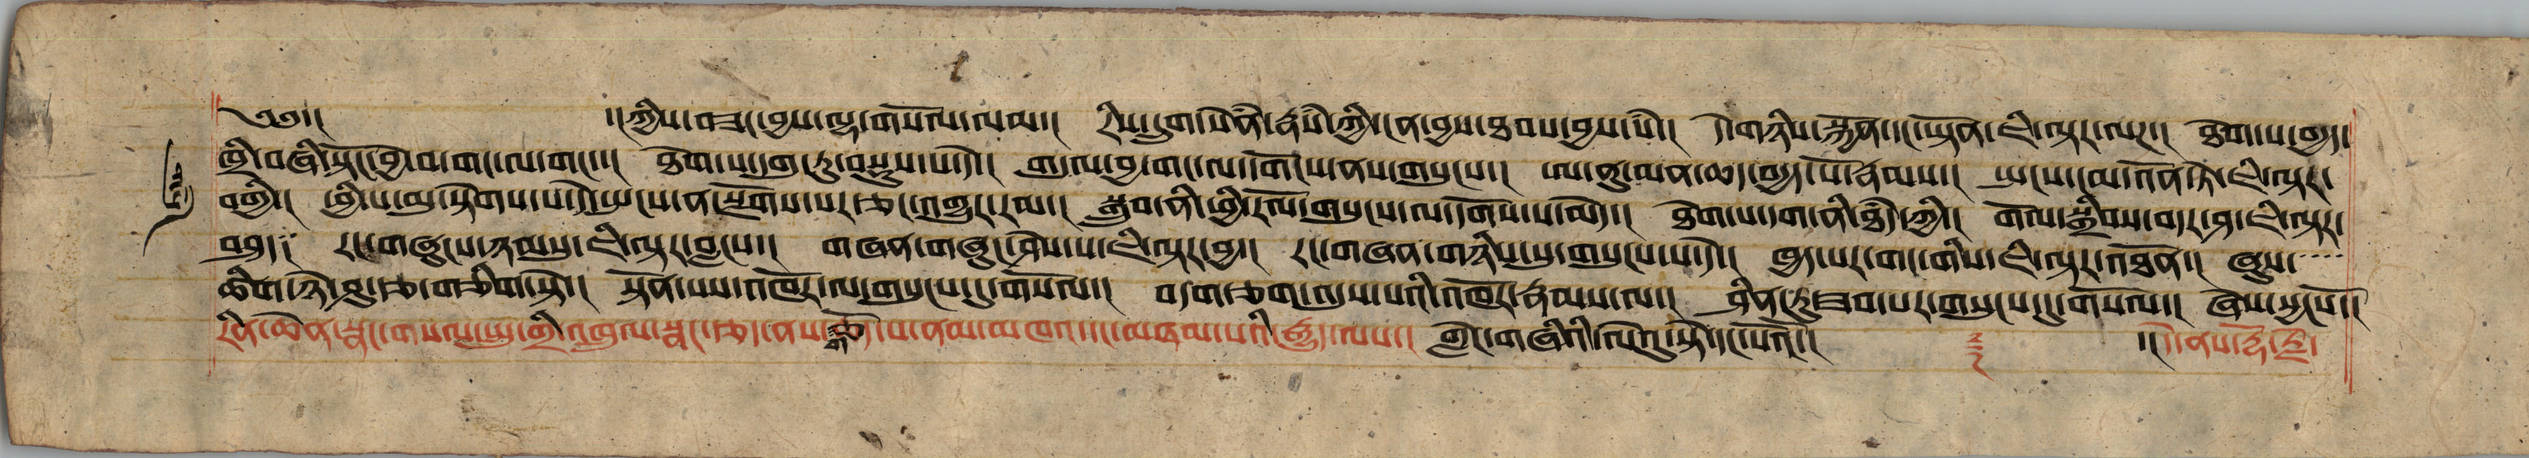༄༅་། ་།ཀྱིས་བཟང་བྱས་ལྷ་གསོལ་ལམ་། རིས་དྲུག་སེཾན་རྣཾས་ཀྱི་ངན་བྱས་ཐབས་བྱས་སོ་། དེ་གཉིས་སྐྱོན་དང་ཡྟོན་ཇི་ལྟར་ལཌ་། ཐེག་པ་བདྱད་
ཁྲི་བཞི་སྟོང་བྱེ་བ་གང་ལ་གང་་། ཐེག་པ་དགུ་རུ་བསྡུས་པ་དེ་། གདུལ་བྱ་གང་ལ་དགོངས་ནས་གསུངས་། ཨ་ནུ་མན་ཆད་བདྱད་པོ་རྣམས་། སྤངས་ངམ་འོན་ཏེ་ཇི་ལྟར་
བགྱི་། ཕྱི་པ་མུ་སྟེགས་པ་དེ་སྤངས་ན་སྫོགས་པར་ཅང་འགྱུར་རམ་། སྒྲུབ་ནི་ཕྱི་རོལ་གསུངས་ལ་དགོས་པ་མེད་། ཐེག་པ་དག་ནི་ཐཾད་ཀྱི་། གོལ་སྒྲིབས་བདར་ཤ་ཇི་ལྟར་
བཤད༑ རང་གཞུངས་ཉམསུ་ཇི་ལྟར་བླངས་། གཞན་གཞུང་ཤེས་པ་ཇི་ལྟར་བྱ་། རང་གཞན་གཉིས་སུ་གསུངས་པ་དེ་། ཁྱད་པར་གང་གིས་ཇི་ལྟར་འཐོན་། ཞུས་
ཚིག་ཉེ་ཤུ་རྩ་གཅིག་སྟེ་། སྟོན་པས་འཁོར་ལ་གསུངས་དུ་གསོལ་། བདག་ཅག་ལུས་པའི་འཁོར་རྣམས་ལ་། ཤིན་ཏུ་ཟབ་པར་གསུངས་དུ་གསོལ་། ཞེས་སྱངསོ་།
རིན་ཆེན་སྣང་གསལ་སྤྲུ་གྲི་འཁྲུལ་སྣང་རྩད་ནས་གཅོད་པ་ནམ་མཁའ་དང་མཉམ་པའི་རྒྱུད་ལས་། གླེང་གཞིའི་ལེའུ་སྟེ་དང་པོའོ་།